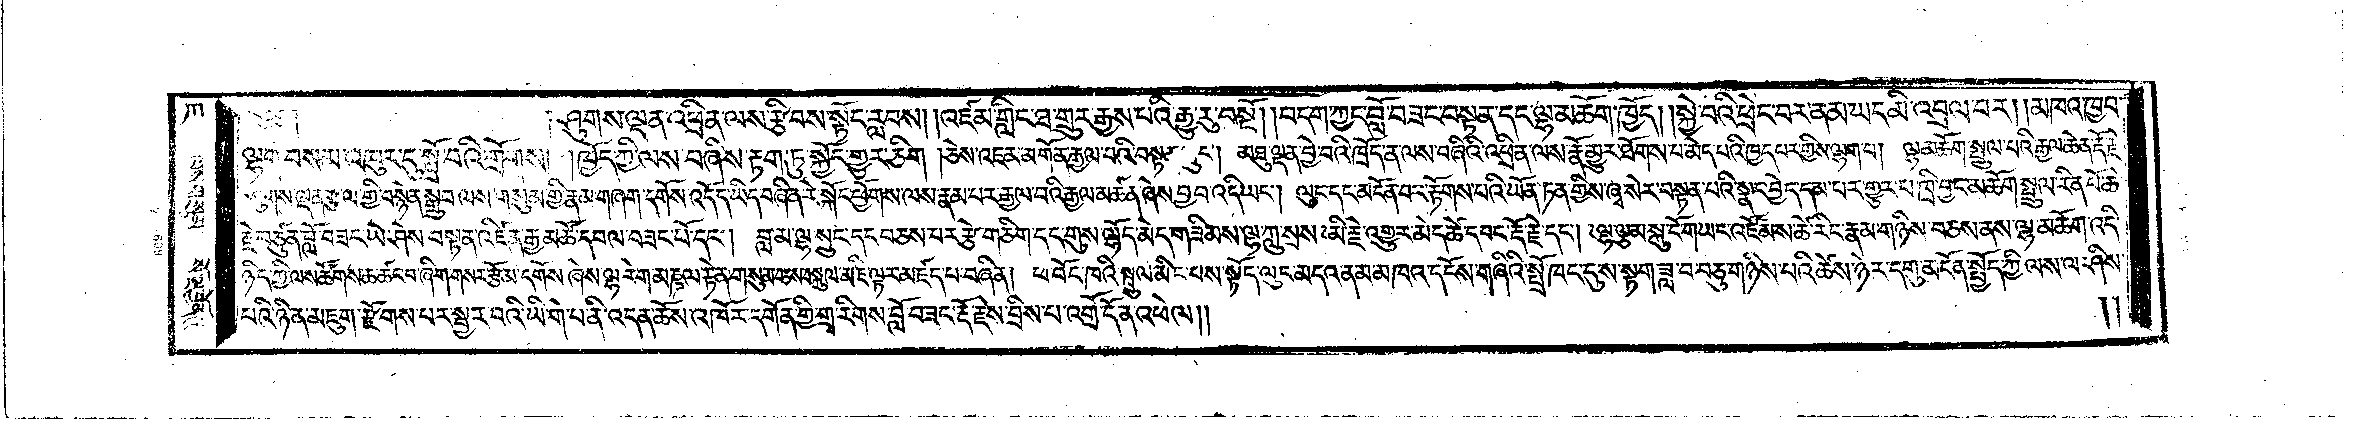༄༅། །ཤུགས་ལྡན་འཕྲིན་ལས་རྩིབས་སྟོང་རླབས། །འཛམ་གླིང་ཐ་གྲུར་རྒྱས་པའི་རྒྱུ་རུ་བསྔོ། །བདག་ཀྱང་བློ་བཟང་བསྟན་དང་ལྷ་མཆོག་ཁྱོད། །སྐྱེ་བའི་ཕྲེང་བར་ནམ་ཡང་མི་འབྲལ་བར། །མཁའ་ཁྱབ་
ལྷག་བསམ་འཁུར་དུ་སྤྲོ་བའི་གྲོགས། །ཁྱོད་ཀྱི་ལས་བཞིས་རྟག་ཏུ་སྐྱོང་གྱུར་ཅིག །ཅེས་འཇམ་མགོན་རྒྱལ་བའི་བསྟན་སྲུང་། །ཐུ་ལྡན་བྱེ་བའི་ཁྲོད་ན་ལས་བཞིའི་འཕྲིན་ལས་རྣོ་མྱུར་ཐོགས་པ་མེད་པའི་ཁྱད་པར་གྱིས་ལྷག་པ། ལྷ་མཆོག་སྤྲུལ་པའི་རྒྱལ་ཆེན་རྡོ་རྗེ་
ཤུགས་ལྡན་རྩལ་གྱི་བསྙེན་སྒྲུབ་ལས་གསུམ་གྱི་རྣམ་གཞག་དགོས་འདོད་ཡིད་བཞིན་རེ་སྐོང་ཕྱོགས་ལས་རྣམ་པར་རྒྱལ་བའི་རྒྱལ་མཚན་ཞེས་བྱ་བ་འདི་ཡང་། ལུང་དང་མངོན་པར་རྟོགས་པའི་ཡོན་ཏན་གྱིས་ཞྭ་སེར་བསྟན་པའི་སྣང་བྱེད་དམ་པར་གྱུར་པ་ཁྲི་བྱང་མཆོག་སྤྲུལ་རིན་པོ་ཆེ་
རྗེ་བཙུན་བློ་བཟང་ཡེ་ཤེ་བསྟན་འཛིན་རྒྱ་མཚོ་དཔལ་བཟང་པོ་དང་། བླ་མ་ལྷ་སྲུང་དང་བཅས་པར་རྩེ་གཅིག་དད་གུས་ལྷོད་མེད་གཟིམས་ལྷ་ཀླུ་སྲས་མི་རྗེས་འགྱུར་མེད་ཚེ་དབང་རྡོ་རྗེ་དང་། ལྷ་ལྕམ་སྐུ་ངོ་གཡང་འཛོམས་ཚེ་རིང་རྣམ་གཉིས་བཅས་ནས་ལྷ་མཆོག་འདི་
ཉིད་ཀྱི་ལས་ཚོགས་ཆ་ཚང་བ་ཞིག་གསར་རྩོམ་དགོས་ཞེས་ལྷ་རེག་མཎྜལ་རྟེན་གསུམ་བཅས་བསྐུལ་མ་ཇི་ལྟར་མཛད་པ་བཞིན། ཕ་བོང་ཁའི་སྤྲུལ་མིང་པས་སྟོད་ལུང་མདའ་ནམ་མཁའ་དངོས་གཞིའི་སྤྲོ་ཁང་དུ་ས་སྟག་ཟླ་བ་བཅུ་གཉིས་པའི་ཚེས་ཉེས་དགུ་མངོན་སྤྱོད་ཀྱི་ལས་ལ་ཤིས་
བའི་ཉིན་མཇུག་རྫོགས་པར་སྦྱར་བའི་ཡི་གེ་བ་ནི་འདན་ཆོས་འཁོར་དགོན་གྱི་གྲྭ་རིགས་བློ་བཟང་རྡོ་རྗེས་བྲིས་པ་འགྲོ་དོན་འཕེལ།། །།